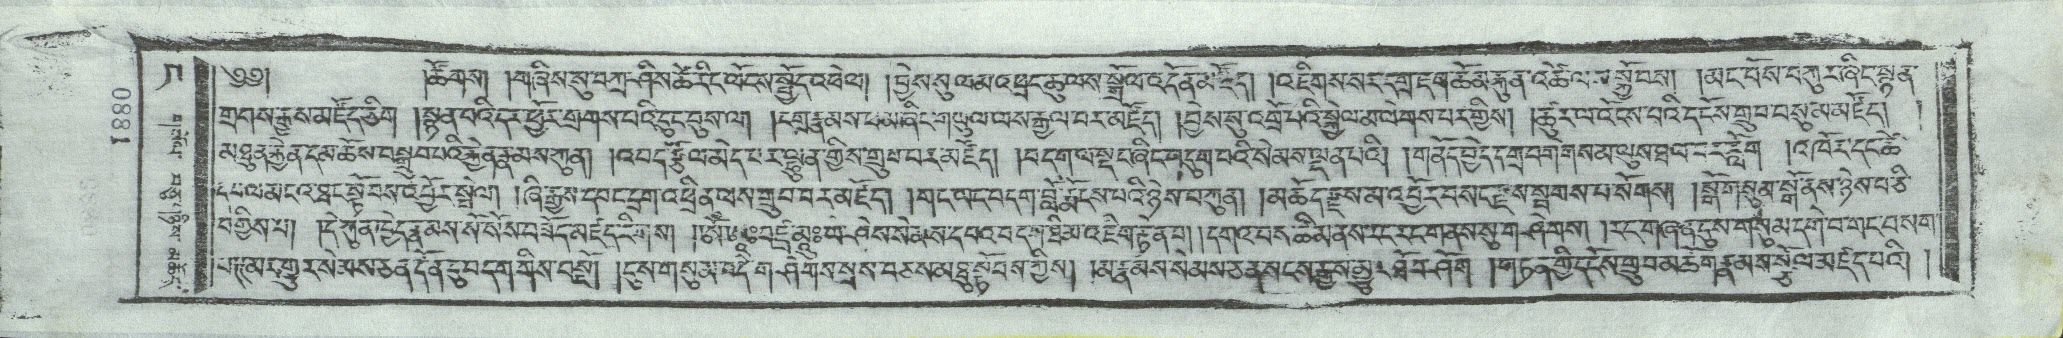༄༅། །ཚོགས། །གཞིས་སུ་བཀྲ་ཤིས་ཚེ་རིང་ལོངས་སྤྱོད་འཕེལ། །བྱེས་སུ་ལམ་འཕྲང་ཆུ་ལས་སྒྲོལ་འདོན་མཛོད། །འཇིགས་སར་དགྲ་ཇག་ཆོམ་རྐུ་ན་འཚེ་ལ་སྐྱོབས། །མང་བོས་བཀུར་ཞིང་སྙན་
གྲགས་རྒྱས་མཛོད་ཅིག །སྙན་པའི་དར་ཕྱོར་སྲགས་པའི་དུང་བུས་ལ། །དགྲ་རྣམས་པ་མ་ཞིང་གཡུལ་ལས་རྒྱལ་བར་མཛོད། །བྱེས་སུ་འགྲོ་པའི་སྐྱེལ་མ་ལེགས་པར་གྱིས། །ཚུར་ལ་འོངས་པའི་དངོས་གྲུབ་བསུ་མ་མཛོད།
མཐུན་རྐྱེན་དམ་ཆོས་བསྒྲུབ་པའི་རྐྱེན་རྣམས་ཀུན། །འབད་རྩོལ་མེད་པར་ལྷུན་གྱིས་གྲུབ་པར་མཛད། །བདག་ལ་སྡང་ཞིང་གདུག་པའི་སེམས་ལྡན་པའི། །གནོད་བྱེད་དགྲ་བགེགས་མ་ལུས་ཐལ་བར་རློག །འཁོར་དང་ཚེ་
དཔལ་མངའ་ཐང་སྟོབས་འབྱོར་སྦེལ། །ཞི་རྒྱས་དབང་དྲག་འཕྲིན་ལས་གྲུབ་བར་མཛོད། །གང་ཡང་བདག་བློ་རྨོངས་པའི་ཉེས་པ་ཀུན། །མཆོད་རྫས་མ་འབྱོར་བསང་རྫས་སྦགས་པ་སོགས། །སྒོ་གསུམ་སྒོ་ནས་ཉེས་བ་ཅི་
བགྱིས་པ། །དེ་ཀུན་ཁྱེད་རྣམས་སོ་སོས་བཟོད་མཛད་རིགས། །ཨོཾ་ཨཱཿ བཛྲ་མཱུཿ ཡེ་ཤེས་སེམས་དཔའ་བདག་ཐིམ་འཇིག་རྟེན་པ། །དགའ་བས་ཚིམ་ནས་རང་རང་གནས་སུ་གཤེགས། །རང་གཞན་དུས་གསུམ་དགེ་བ་གང་བསག་
པ༑ ༑མར་གྱུར་སེམས་ཅན་དོན་དུ་བདག་གིས་བསྔོ། །དུས་གསུམ་བདེ་གཤེགས་སྲས་བཅས་མཐུ་སྟོབས་ཀྱིས། །མ་རྣམས་སེམས་ཅན་སངས་རྒྱས་མྱུར་ཐོབ་ཤོག །གཏན་གྱི་དངོས་གྲུབ་མཆོག་རྣམས་སྩོལ་མཛད་པའི། །